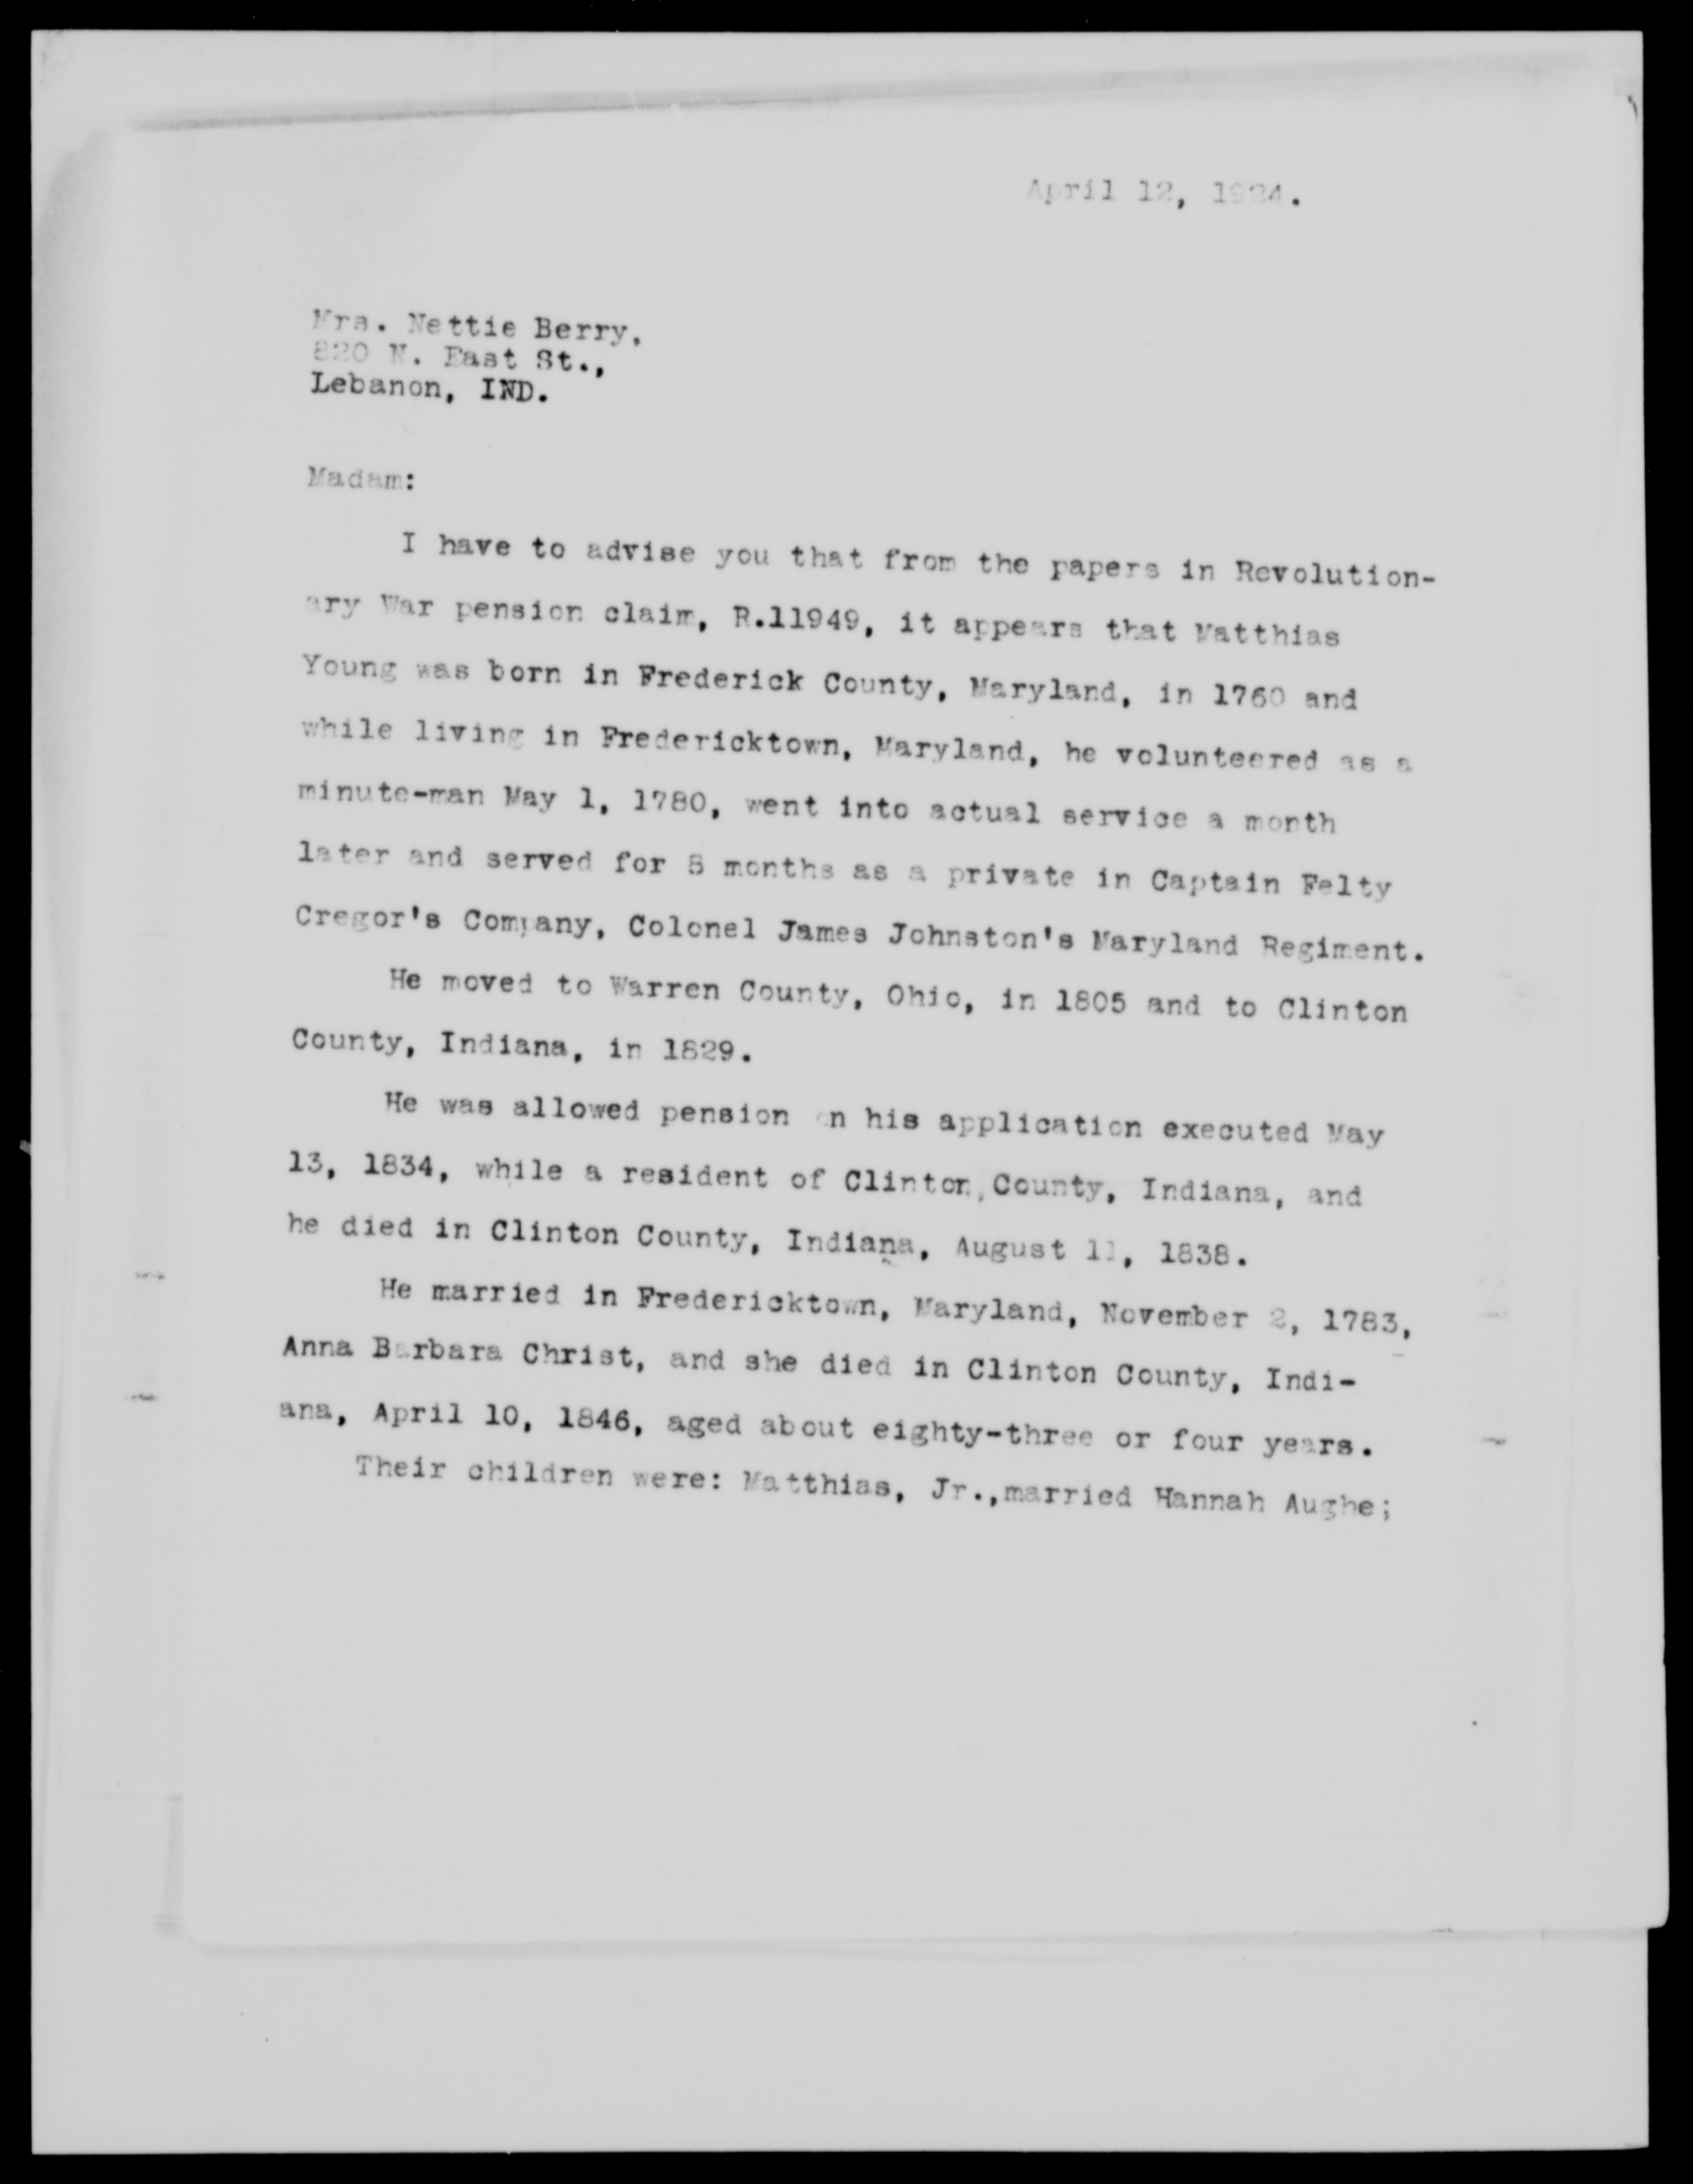April 12, 1920.

Mrs. Nettie Berry,
120 N. East St.,
Lebanon, IND.
Madam:
I have to advise you that from the papers in Revolutionary War pension claim, R.11949, it appears that Matthias Young was born in Frederick County, Maryland, in 1780 and while living in Fredericktown, Maryland, he volunteered as a
minute-man May 1, 1780, went into actual service a month later and served for 8 months as a private in Captain Felty Cregor's Company, Colonel James Johnston's Maryland Regiment.

He moved to Warren County, Ohio, in 1805 and to Clinton County, Indiana, in 1829.

He was allowed pension on his application executed May 13, 1834, while a resident of Clinton County, Indiana, and he died in Clinton County, Indiana, August 11, 1838.

He married in Fredericktown, Maryland, November 2, 1783. Anna Barbara Christ, and she died in Clinton County, Indiana , April 10, 1846, aged about eighty-three or four years.

Their children were: Matthias, Jr., married Hannah Authe;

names: Nettie Berry, Hannah Aughe, Matthias Young, Anna Barbara Christ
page: 49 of 123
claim: rejected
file: R. 11,949, Matthias Young, Md.